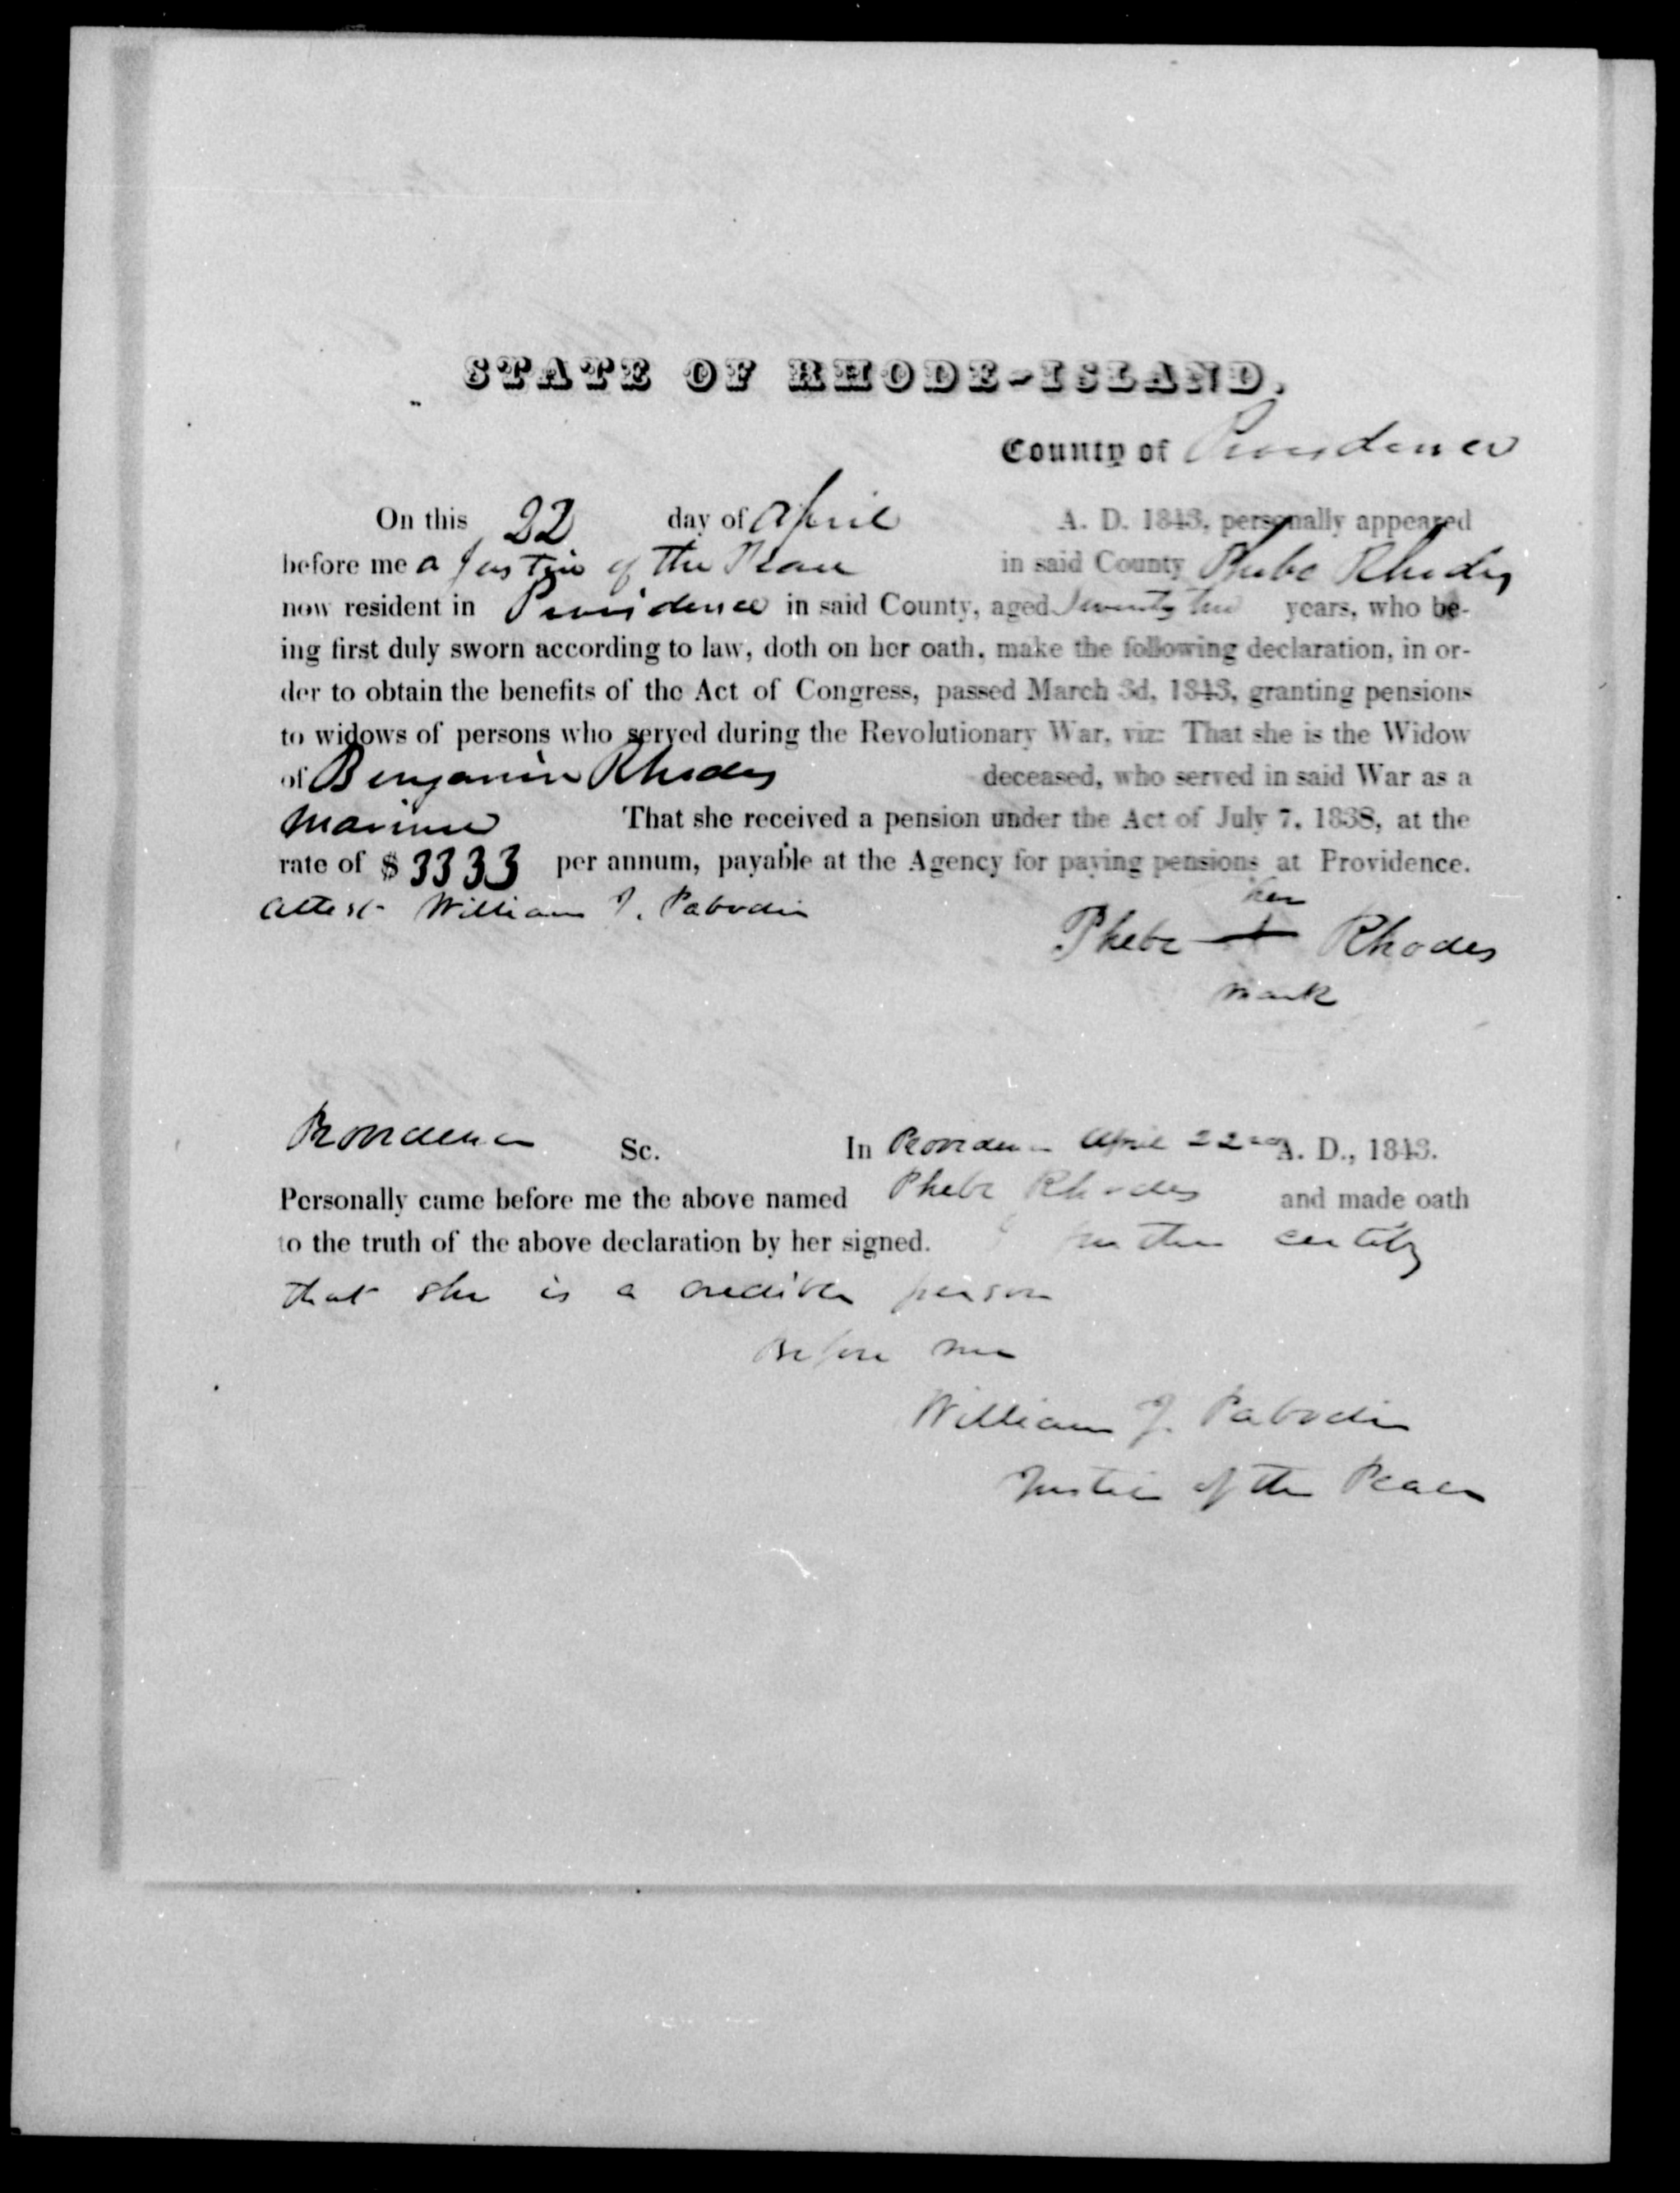STATE OF RHODE-ISLAND.

County of Providence
On this 22 day of April A. D. 1843, personally appeared before me a Justice of the Peace in said County Phebe Rhodes now resident in Providence in said County, aged seventy two years, who being first duly sworn according to law, doth on her oath, make the following declaration, in order to obtain the benefits of the Act of Congress, passed March 3d, 1843, granting pensions to widows of persons who served during the Revolutionary War, viz: That she is the Widow of Benjamin Rhodes
deceased, who served in said War as a
Mariner That she received a pension under the Act of July 7, 1838, at the
rate of $3333 per annum, payable at the Agency for paying pensions at Providence.
Attest William J. Pabodie
her mark
Phebe Rhodes


Providence Sc.
In Providence April A. D. 1843.
Personally came befo22re me the above named Phebe Rhodes and made oath to the truth of the above declaration by her signed.
I further the certify that she is a credible person
Before me
William J. Pabodie
Justice of the Peace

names: Phebe Rhodes; William J Pabodi; Phebe Rhodes; Benjamin Rhodes; William J Pabodi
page: 47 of 50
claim: widow's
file: W. 22058, for Benjamin Rhodes, Rhode Island